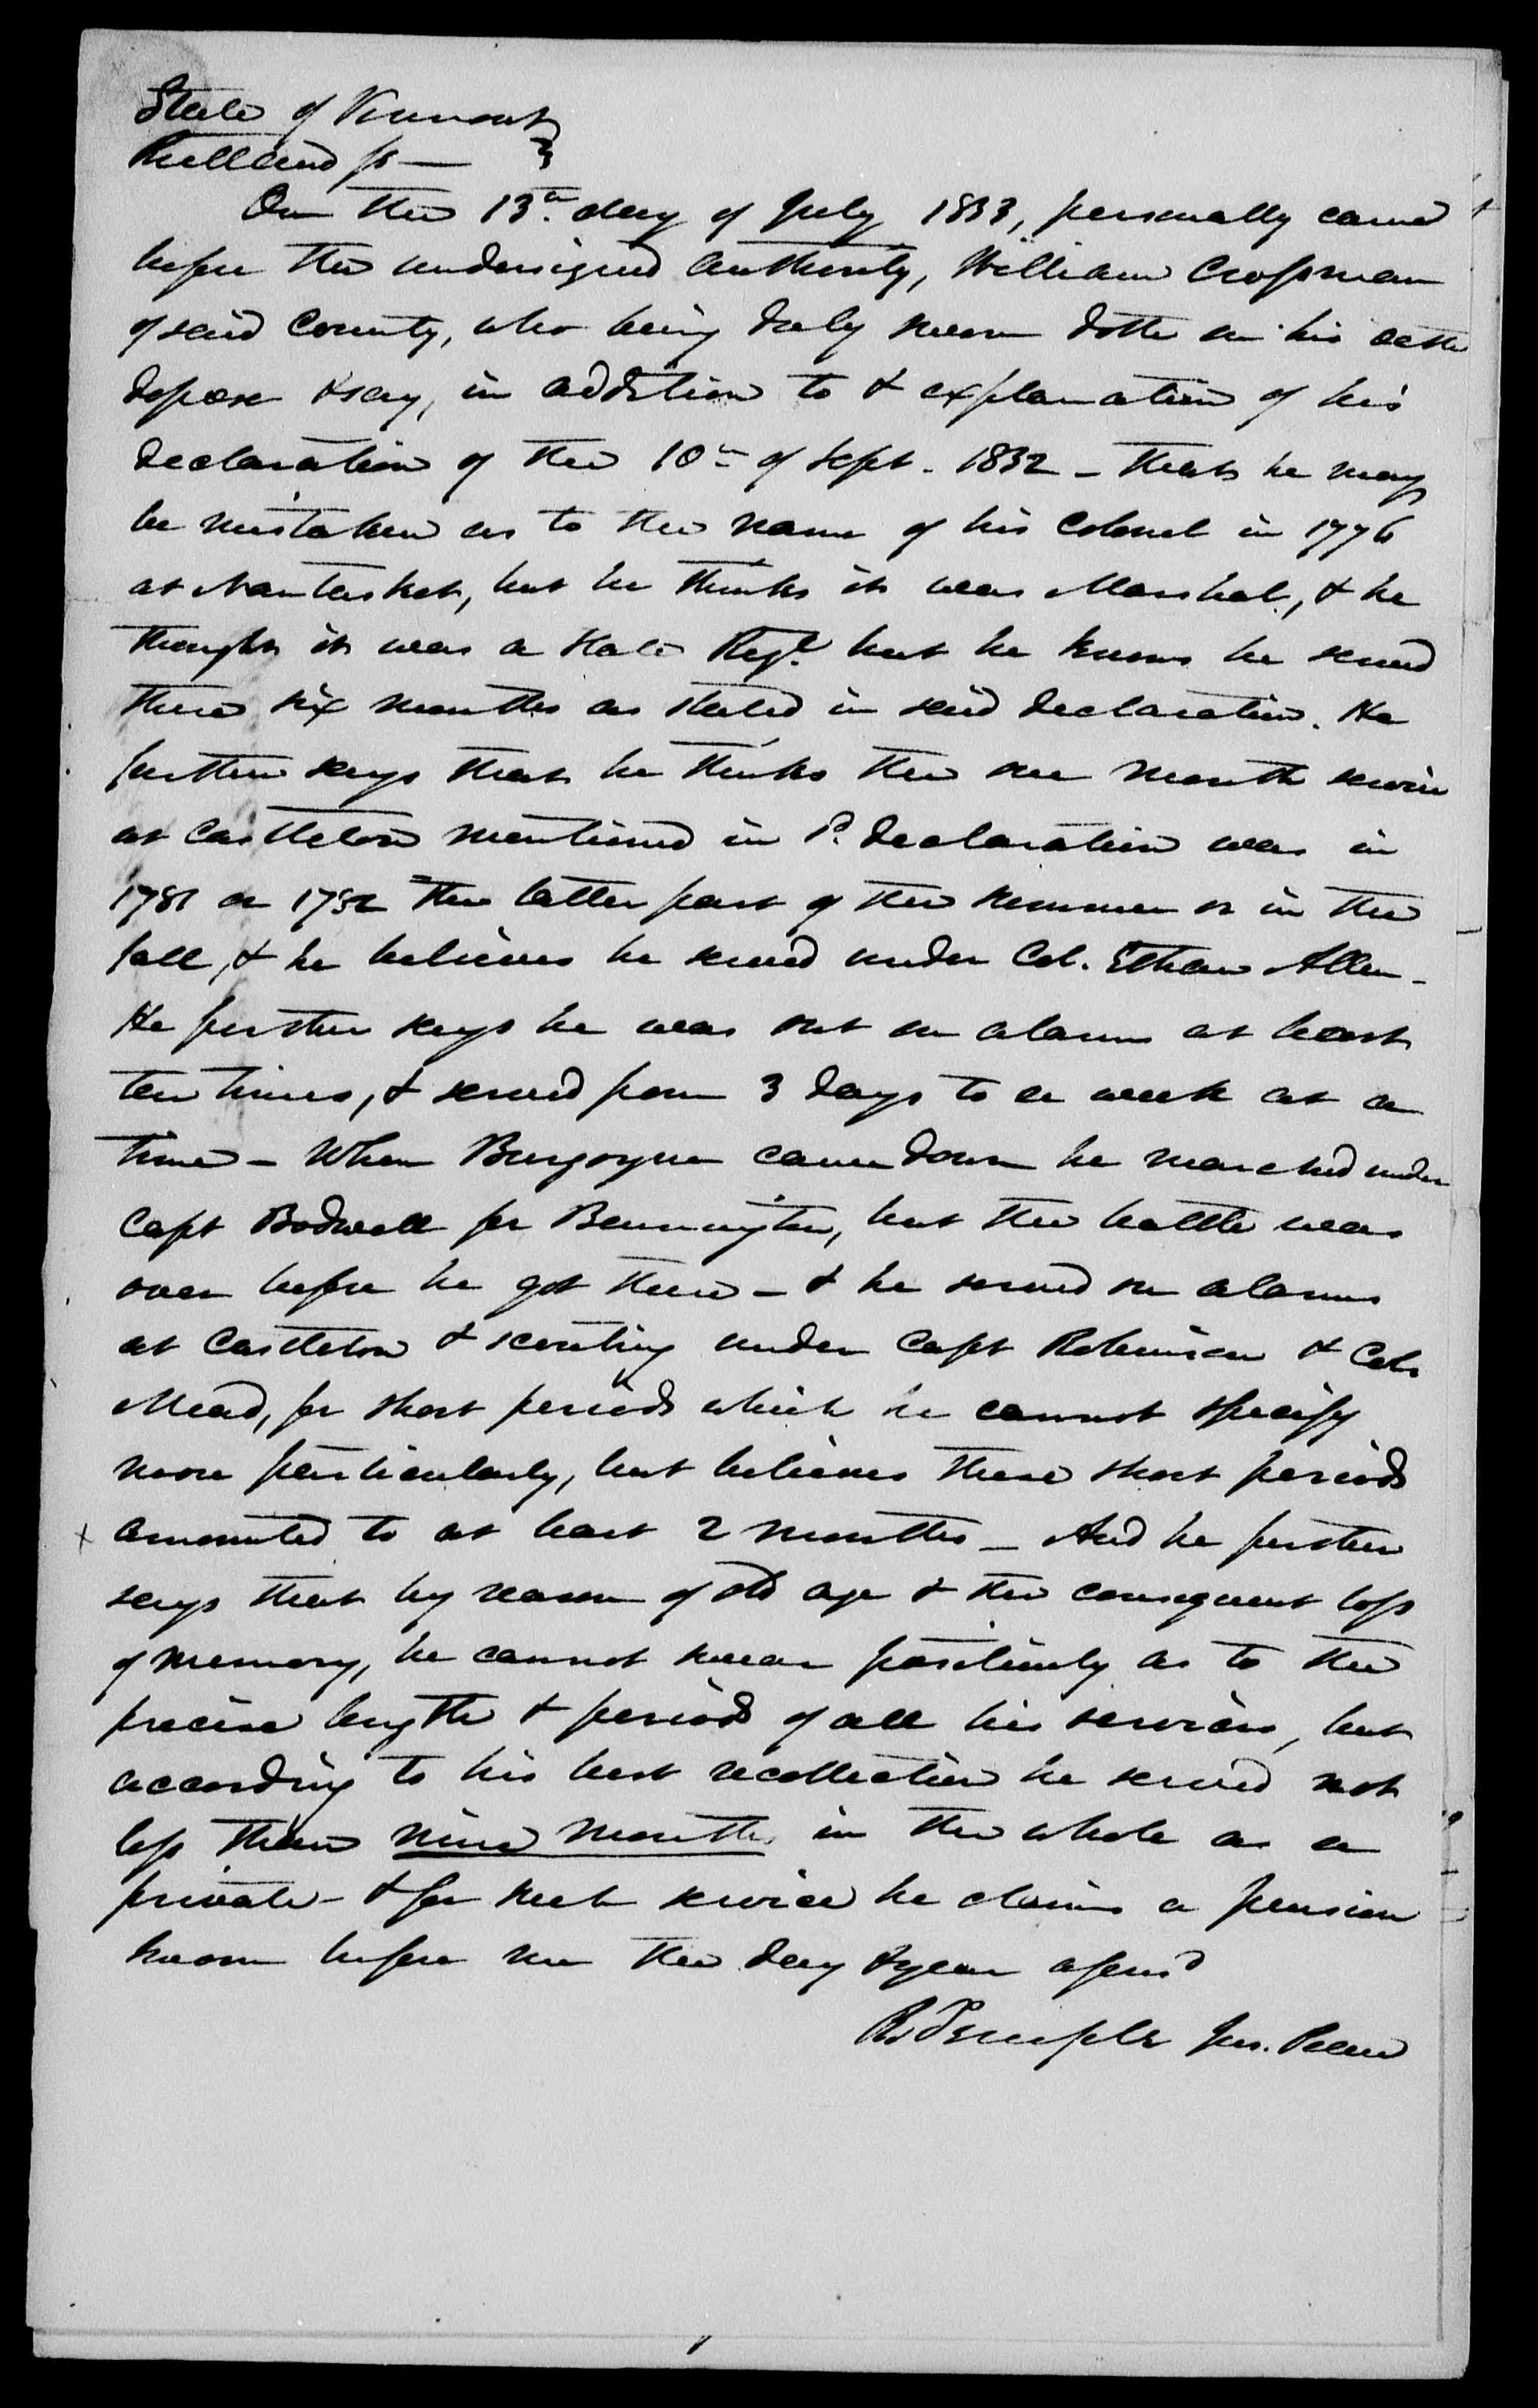State of Vermont
Rutland ss - }
On the 13th day of July 1833, personally came before the undersigned authority, William Crossman of said County, who being duly sworn doth on his oath depose + say, in addition to + explanation of his declaration of the 10th of Sept. 1832 - that he may be mistaken as to the name of his colonel in 1776 at Nantasket, but he thinks it was Marshall, + he thought it was a State Reg't but he knows he served there six months as stated in said declaration. He further says that he thinks the one month service at Castleton mentioned in s'd declaration was in 1781 or 1782 the better part of the summer or in the fall, + he believes he served under Col. Ethan Allen - He further says he was out on alarm at least ten times, + served from 3 days to a week at a time - When Burgoyne came down he marched under Capt Bodwell for Bennington, but the battle was over before he got there - + he served on alarms at Castleton + scouting under Capt Robinson + Col. Mead, for short period which he cannot specify more particularly, but believes these short periods amounted to at least 2 months - And he further says that by reason of old age + the consequent loss of memory, he cannot know positively as to the precise length + period of all his services, but according to his best recollection he served not less than nine months, in the whole as a private - + for such service he claims a pension known before me the day + year afore'd
/s/R. Temple Jus. Peace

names: Ethan Allen, Mead, Bodwell, Robinson, William Crossman, R Temple, Marshal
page: 22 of 33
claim: survivor's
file: S. 12632, William Crossman, Mass. Vt.